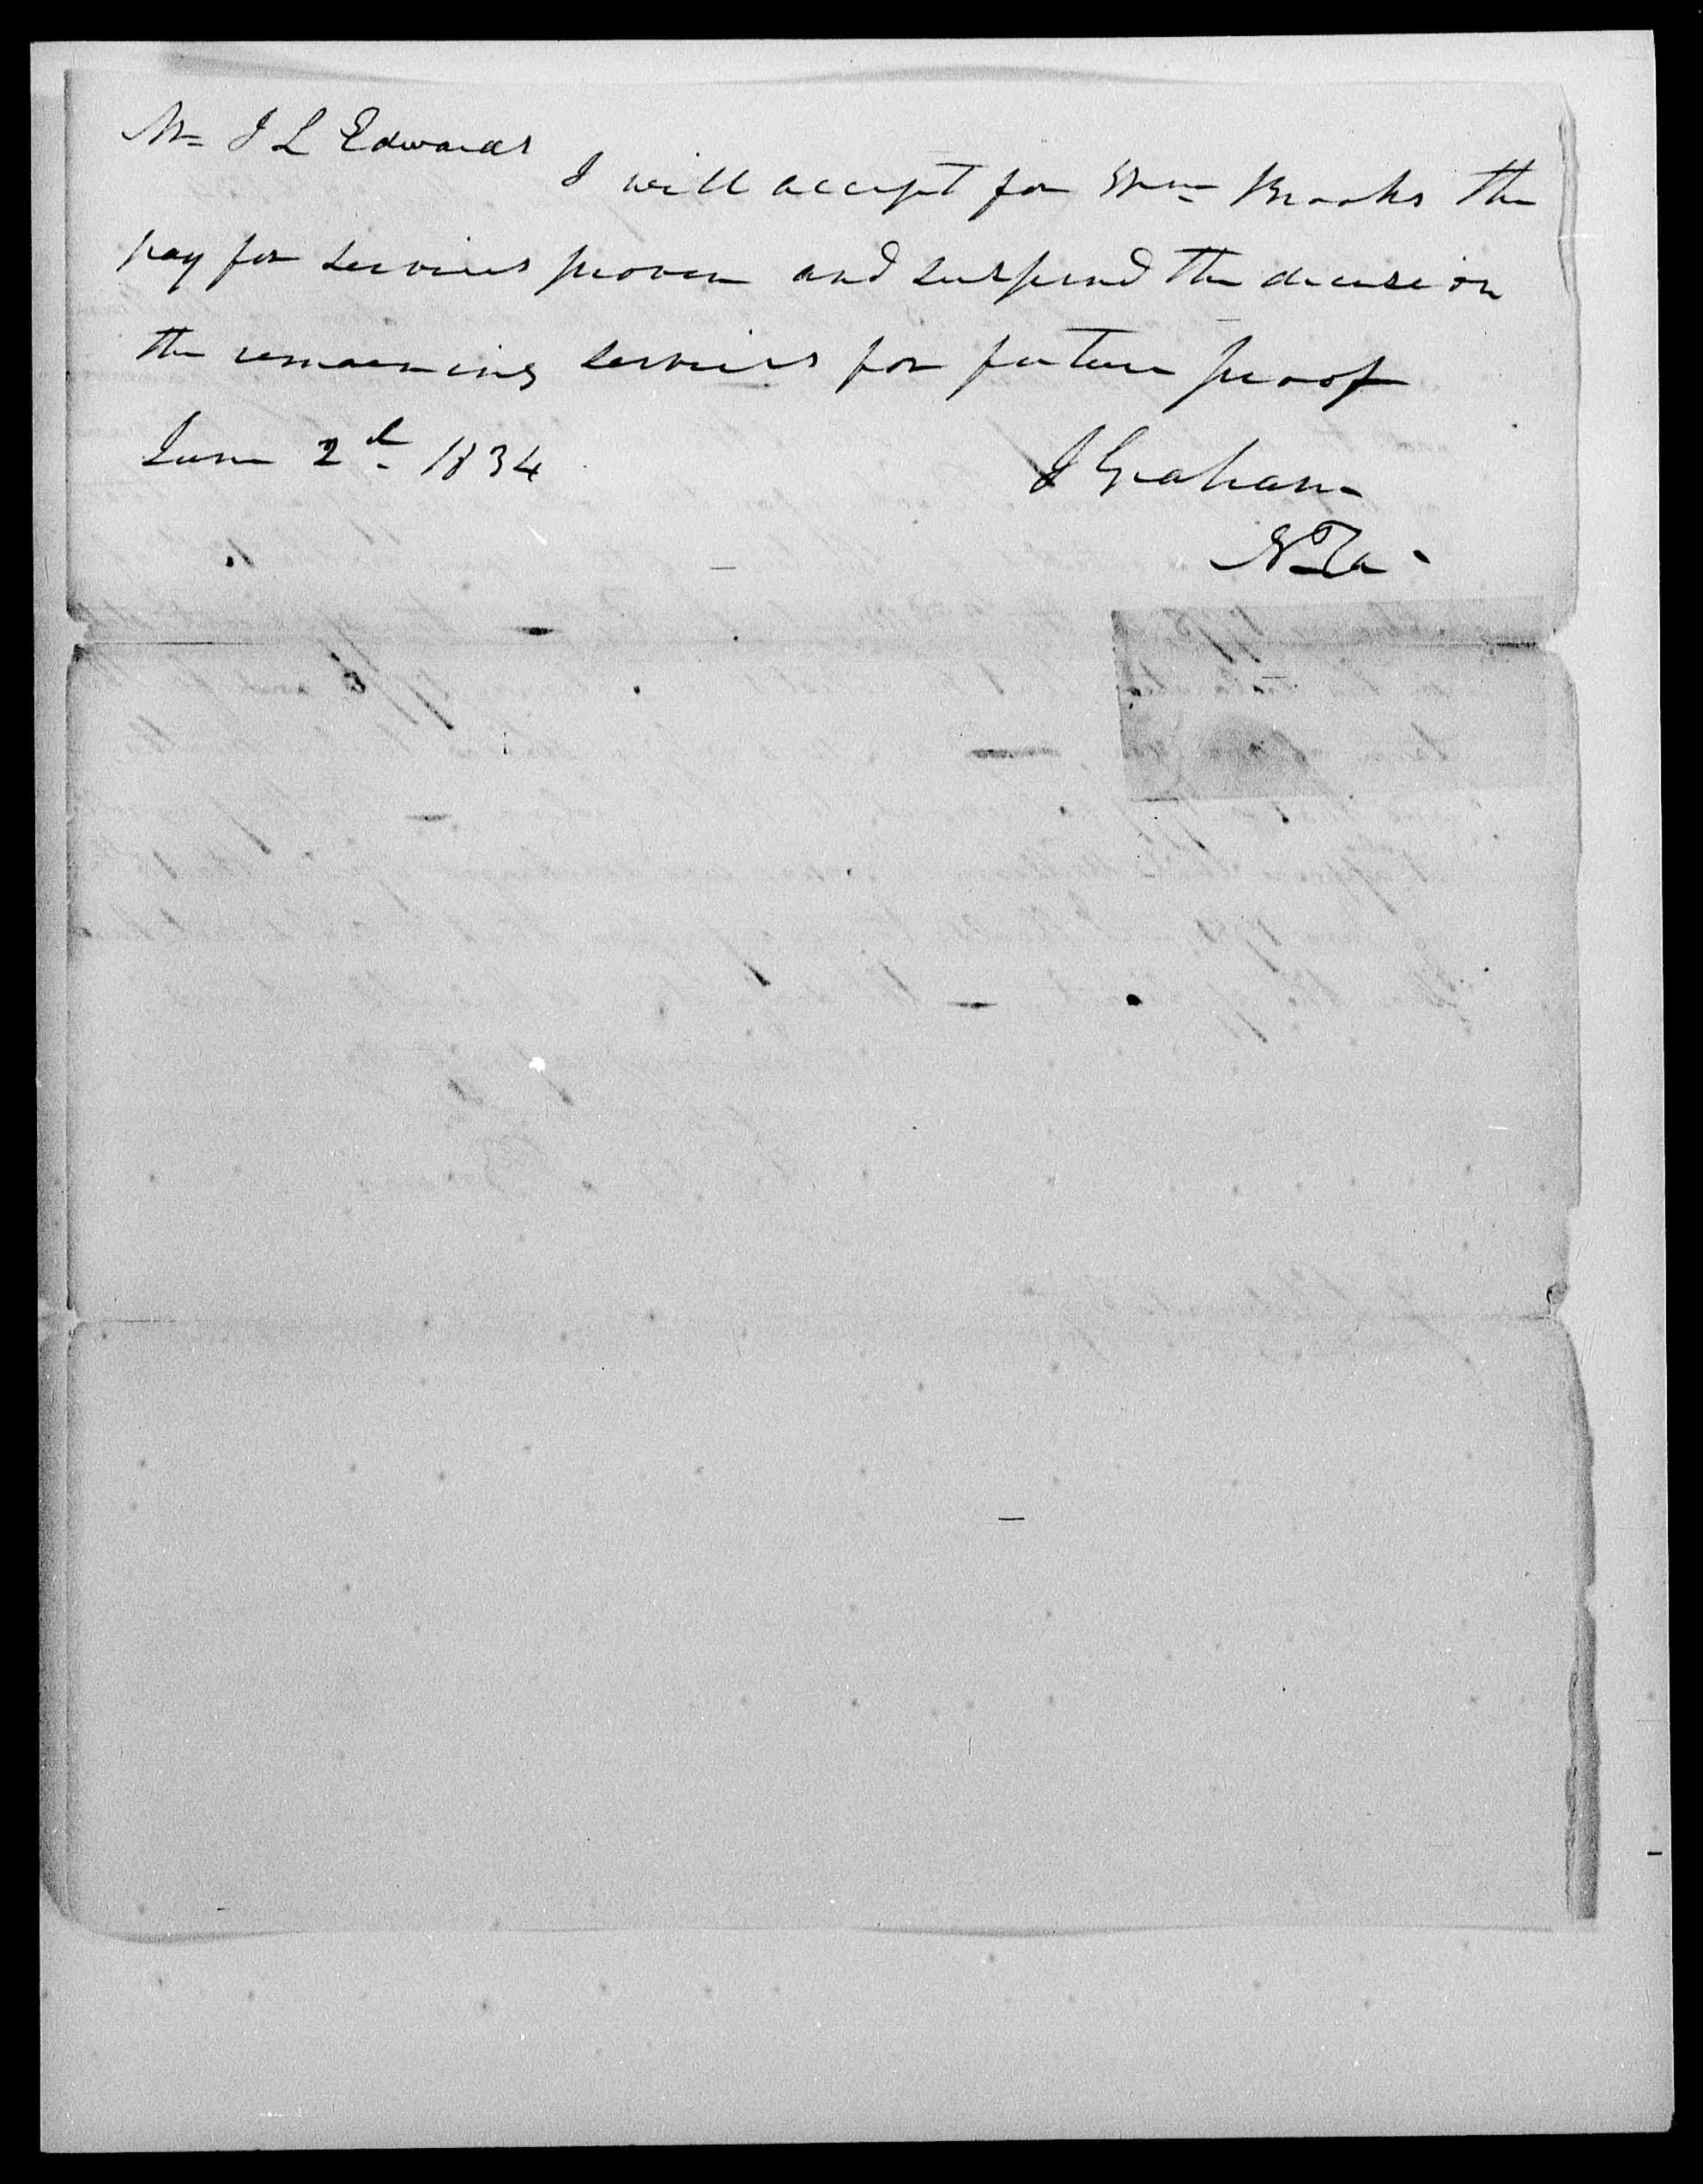Mr. J L Edwards
I will accept for the Brook the
pay for services proven and suspend the decision
the remaining service for future per of
June 2d 1834
J Graham
N Ca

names: J L Edwards, J Graham, Wm Brooks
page: 17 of 17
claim: survivor's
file: S. 6717, William Brooks, Md. N.C.